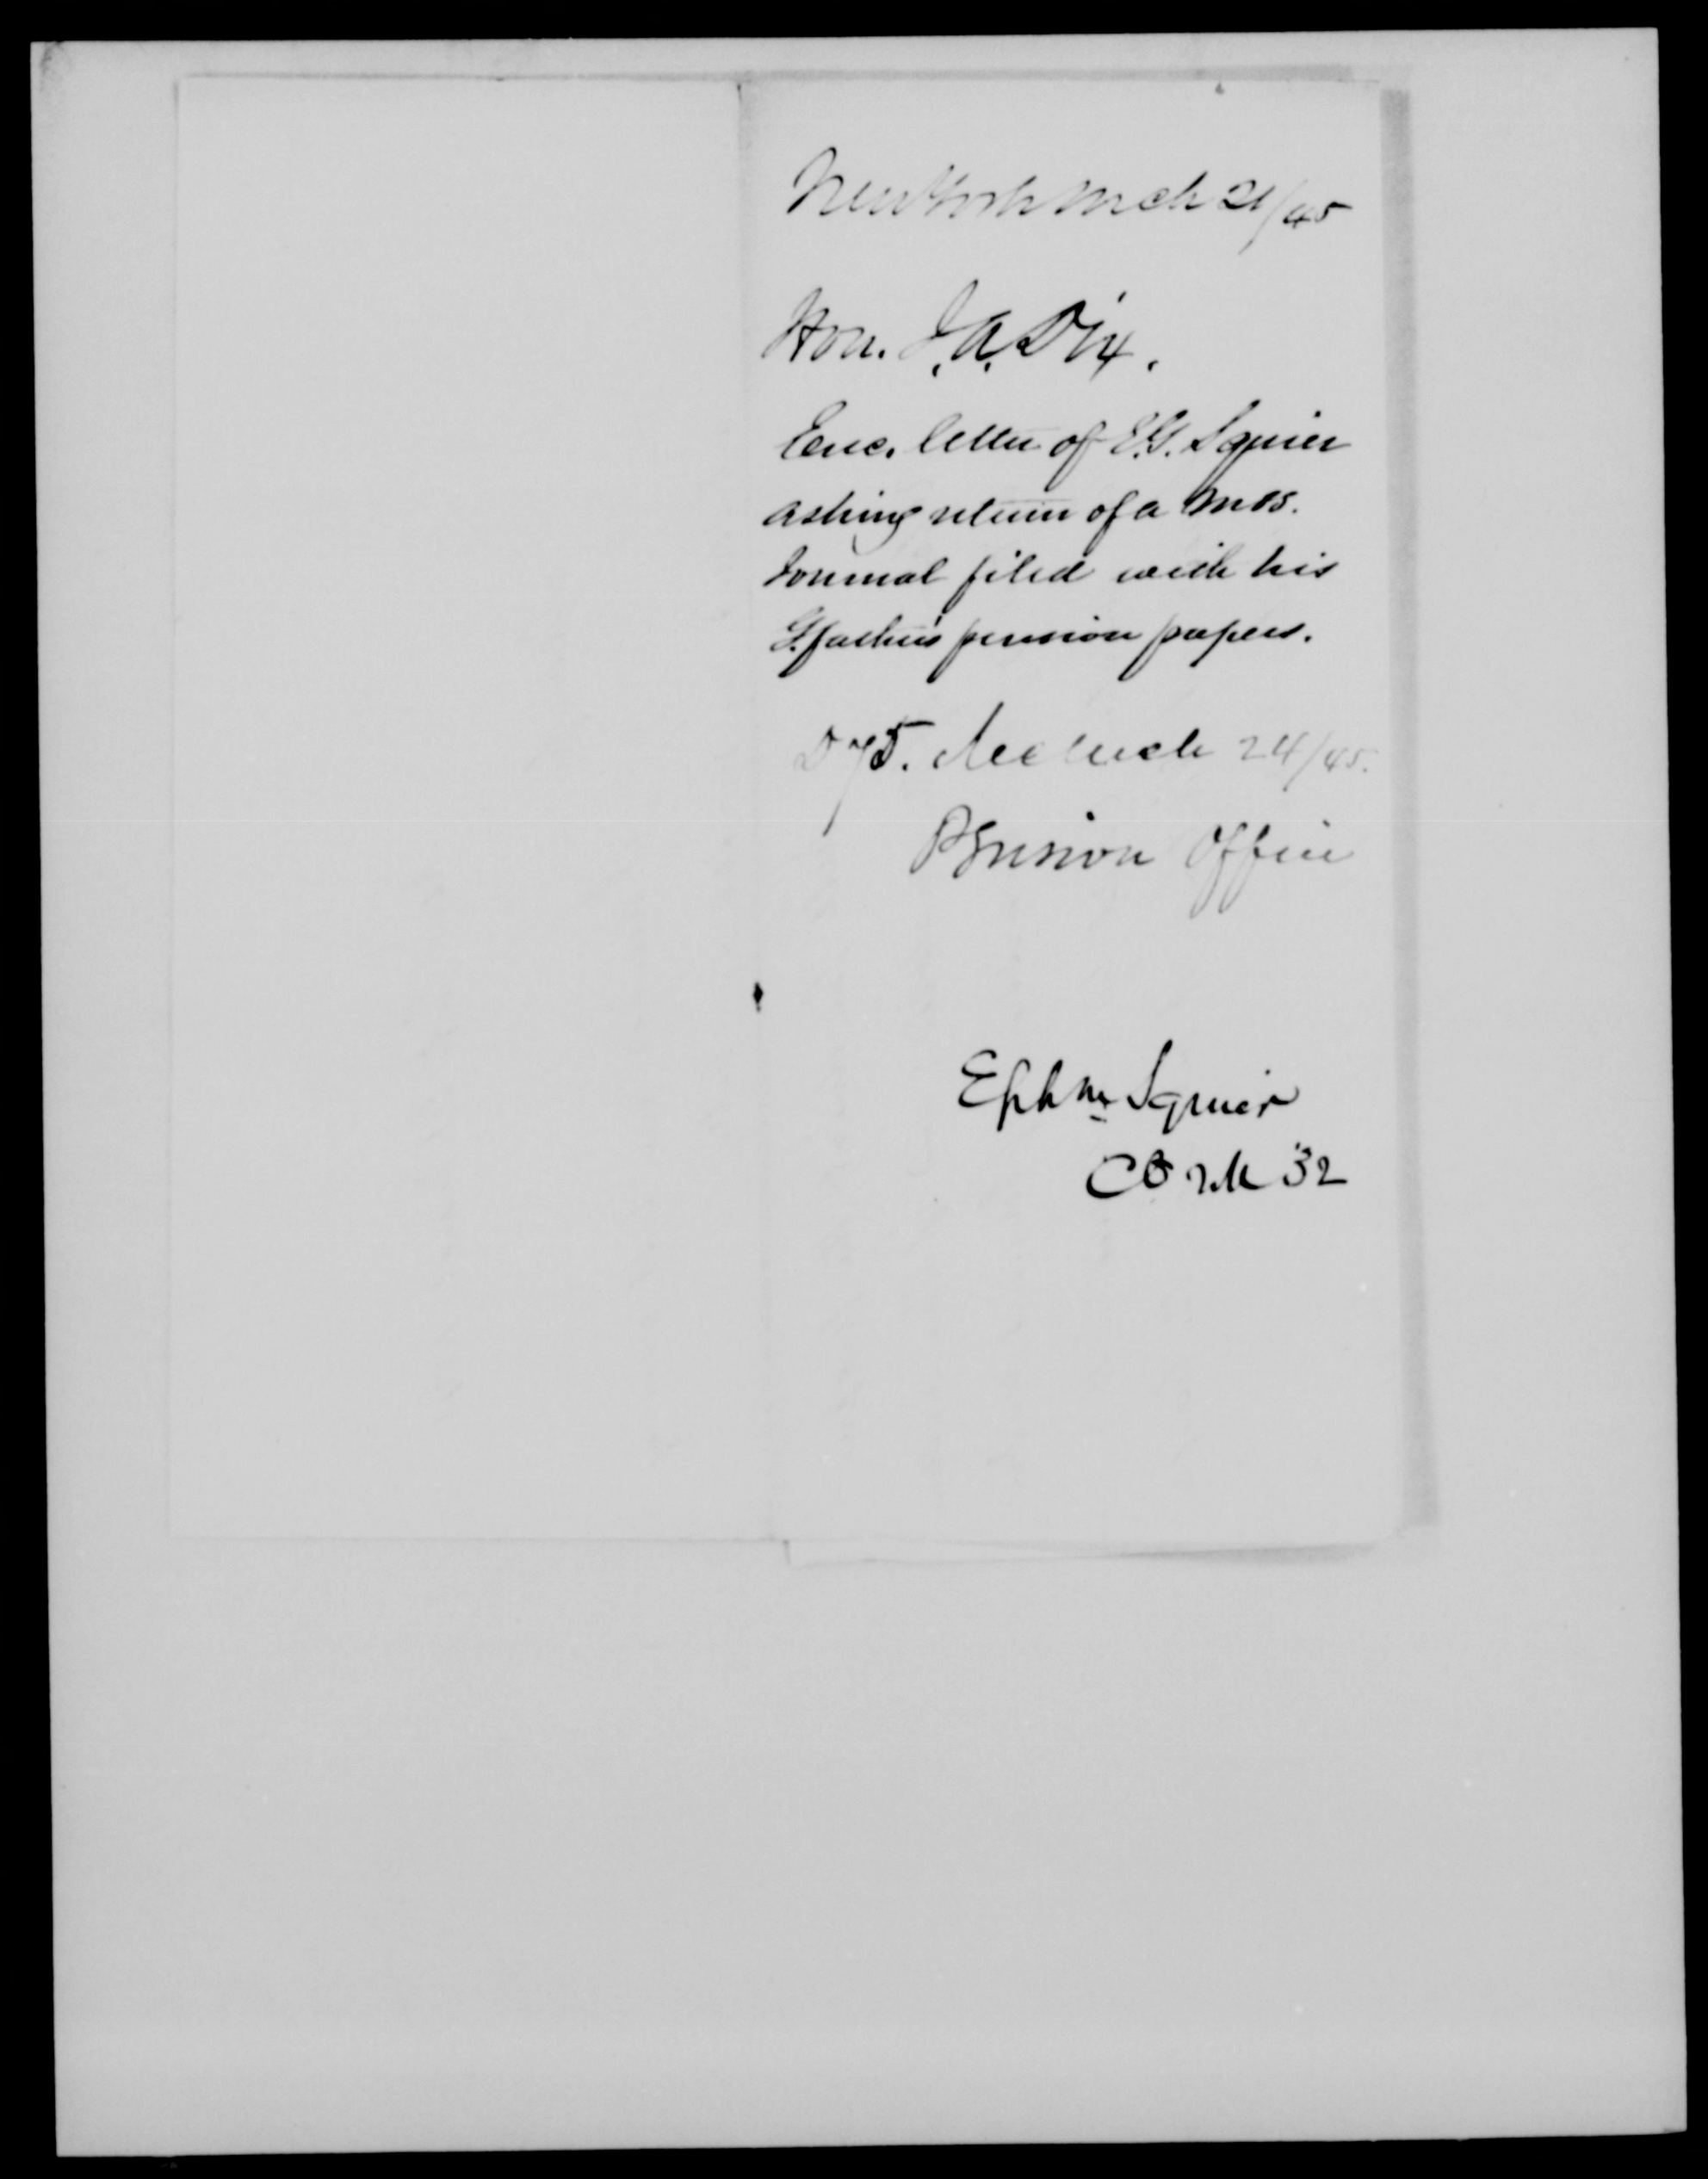New York Mch 21/45

Hon. J. A. Dix, 
Enc. letter of E. G. Suier asking return of a [illegible] journal filed with his G.fathers pension papers. 
DFS. declared 24/45
Pension Office

Ephm Squier
Co [illegible] '32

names: E G Squier; Ephm Squier; P Grisson; J A Dix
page: 46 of 70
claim: rejected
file: R. 10,026, for Ephraim Squier, Connecticut